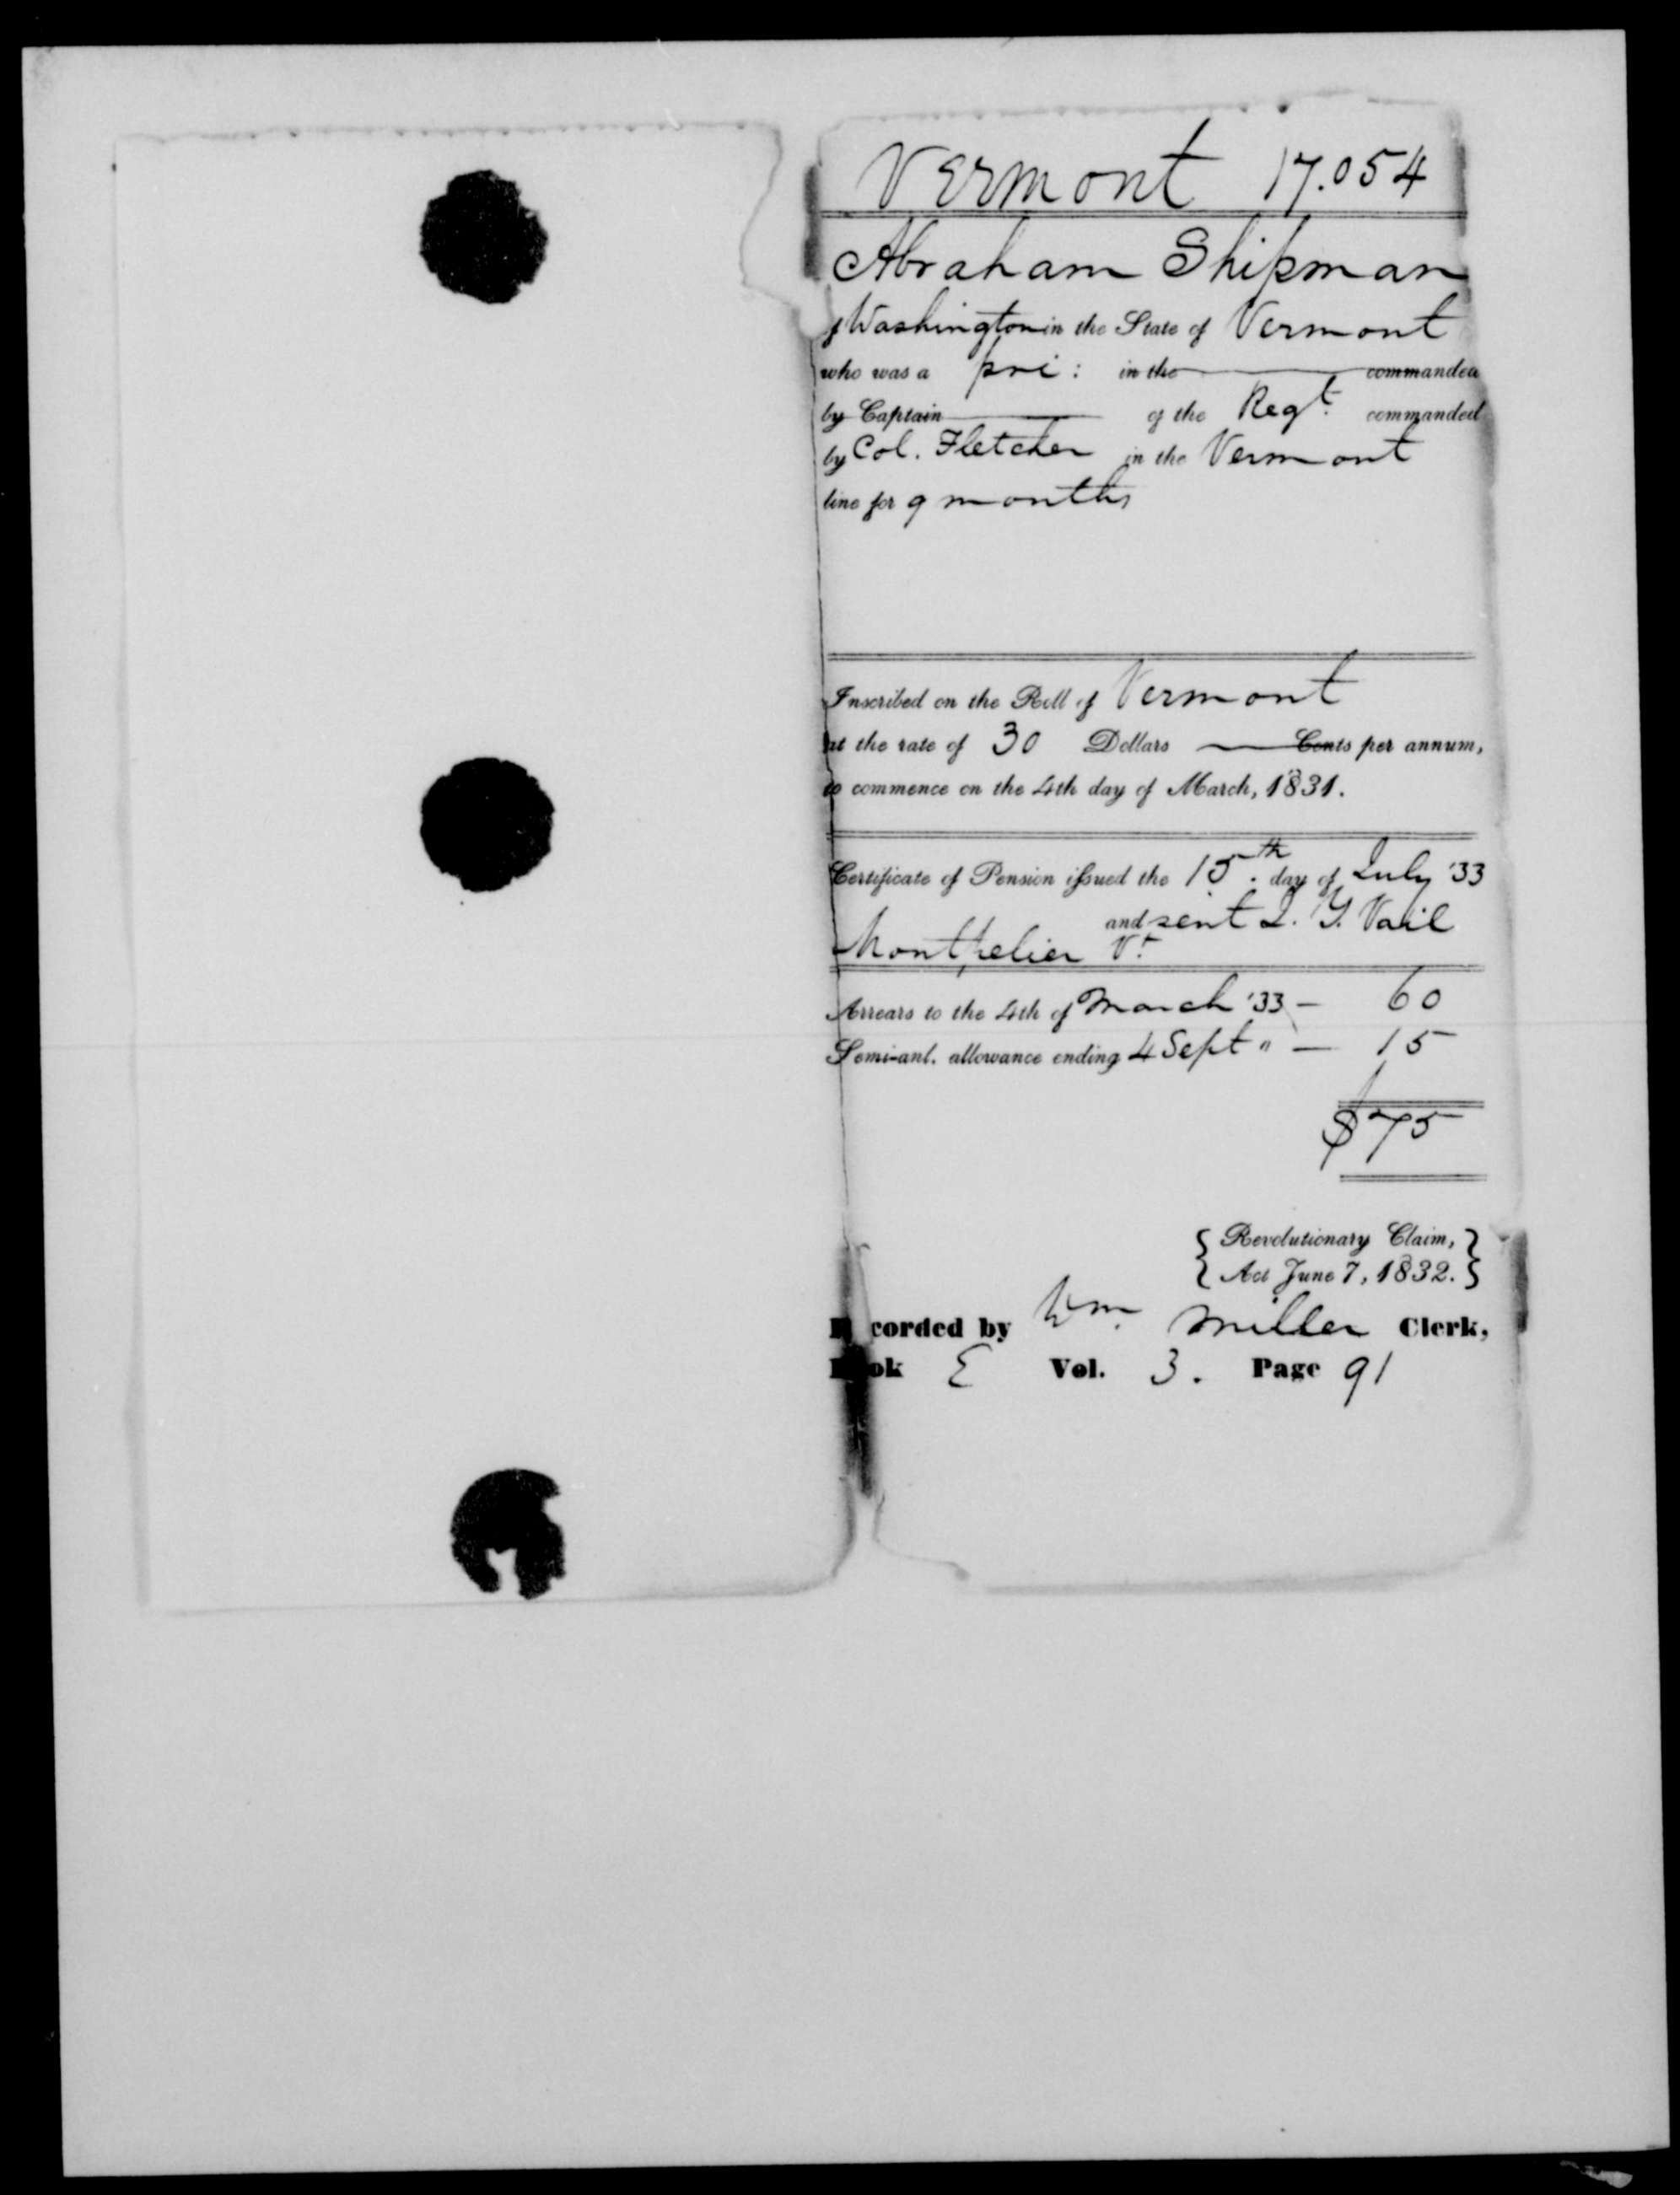Vermont 17.054
Abraham Shipman
of Washington in the State of Vermont who was a pri. in the - commanded by Captain -- of the Regt. commanded by Col. Fletcher in the Vermont line for 9 months.


Inscribed on the Roll of Vermont at the rate of 30 dollars blank cents per annum to commence on the 4th day of March, 1834  Certificate of Pension issued the  15th day of July ' 33 and sent J.Y. Vail  Montpelier   Vt   arrears to the 4th of March '33-60
Semi-anl. allowance ending 4  Sept"        15
                                                                       ==
                                                                       $75
Revolutionary  Claim Act June 7, 1832
Recorded by  Wm. Miller clerk
Book 3  Vol  3   Page  91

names: J Y Vail; Abraham Shipman; [BLANK] Fletcher; Wm Miller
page: 2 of 13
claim: survivor's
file: S. 15977, for Abraham Shipman, Vermont